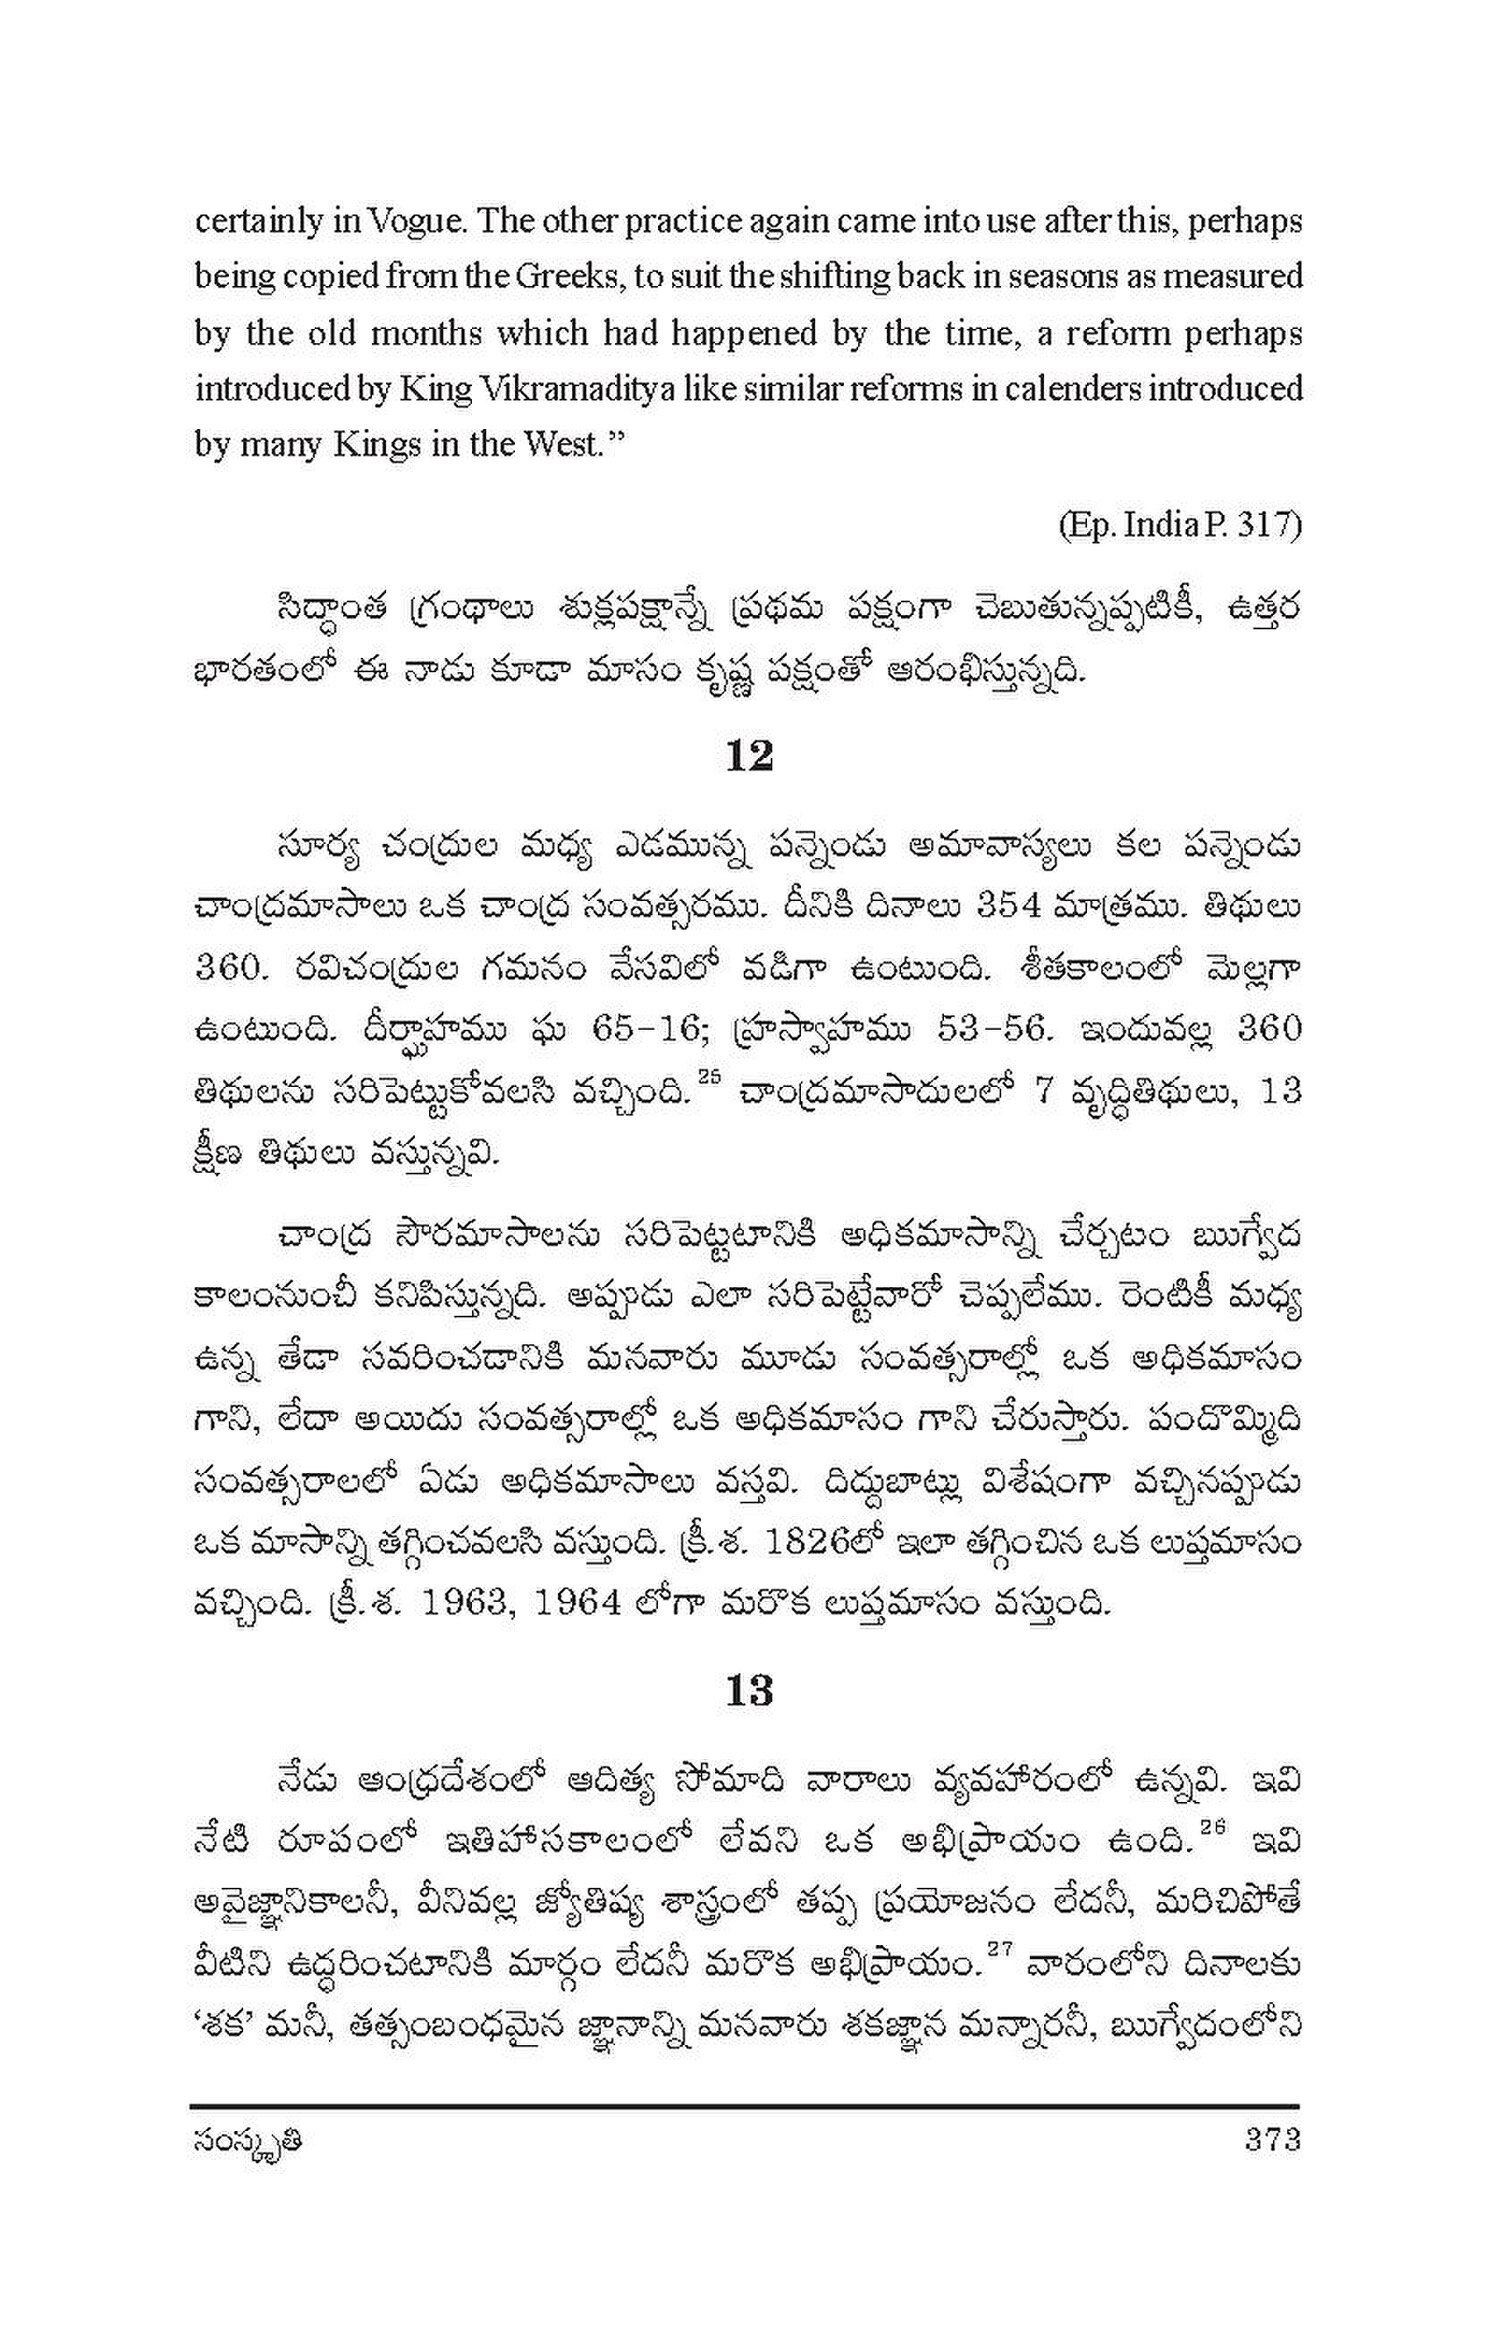certainly in Vogue. The other practice again came into use after this, perhaps
being copied from the Greeks, to suit the shifting back in seasons as measured
by the old months which had happened by the time, a reform perhaps
introduced by King Vikramaditya like similar reforms in calenders introduced
by many Kings in the West." 

సిద్ధాంత గ్రంథాలు శుక్లపక్షాన్నే ప్రథమ పక్షంగా చెబుతున్నప్పటికీ, ఉత్తర
భారతంలో ఈ నాడు కూడా మాసం కృష్ణ పక్షంతో ఆరంభిస్తున్నది. 

సూర్య చంద్రుల మధ్య ఎడమున్న పన్నెండు అమావాస్యలు కల పన్నెండు
చాంద్రమాసాలు ఒక చాంద్ర సంవత్సరము. దీనికి దినాలు 354 మాత్రము. తిథులు
360. రవిచంద్రుల గమనం వేసవిలో వడిగా ఉంటుంది. శీతకాలంలో మెల్లగా
ఉంటుంది. దీర్ఘాహము ఘ 65-16; హ్రస్వాహము 53-56. ఇందువల్ల 360
తిథులను సరిపెట్టుకోవలసి వచ్చింది. " చాంద్రమాసాదులలో 7 వృద్ధితిథులు, 13
క్షీణ తిథులు వస్తున్నవి.

చాంద్ర సౌరమాసాలను సరిపెట్టటానికి అధికమాసాన్ని చేర్చటం ఋగ్వేద
కాలంనుంచీ కనిపిస్తున్నది. అప్పుడు ఎలా సరిపెట్టేవారో చెప్పలేము. రెంటికీ మధ్య
ఉన్న తేడా సవరించడానికి మనవారు మూడు సంవత్సరాల్లో ఒక అధికమాసం
గాని, లేదా అయిదు సంవత్సరాల్లో ఒక అధికమాసం గాని చేరుస్తారు. పందొమ్మిది
సంవత్సరాలలో ఏడు అధికమాసాలు వస్తవి. దిద్దుబాట్లు విశేషంగా వచ్చినప్పుడు
ఒక మాసాన్ని తగ్గించవలసి వస్తుంది. క్రీ.శ. 1826లో ఇలా తగ్గించిన ఒక లుప్తమాసం
వచ్చింది. క్రీ.శ. 1963, 1964 లోగా మరొక లుప్తమాసం వస్తుంది.

నేడు ఆంధ్రదేశంలో ఆదిత్య సోమాది వారాలు వ్యవహారంలో ఉన్నవి. ఇవి
నేటి రూపంలో ఇతిహాసకాలంలో లేవని ఒక అభిప్రాయం ఉంది. ఇవి
అవైజ్ఞానికాలనీ, వీనివల్ల జ్యోతిష్య శాస్త్రంలో తప్ప ప్రయోజనం లేదనీ, మరిచిపోతే
వీటిని ఉద్ధరించటానికి మార్గం లేదనీ మరొక అభిప్రాయం. వారంలోని దినాలకు
'శక' మనీ, తత్సంబంధమైన జ్ఞానాన్ని మనవారు శకజ్ఞాన మన్నారనీ, ఋగ్వేదంలోని